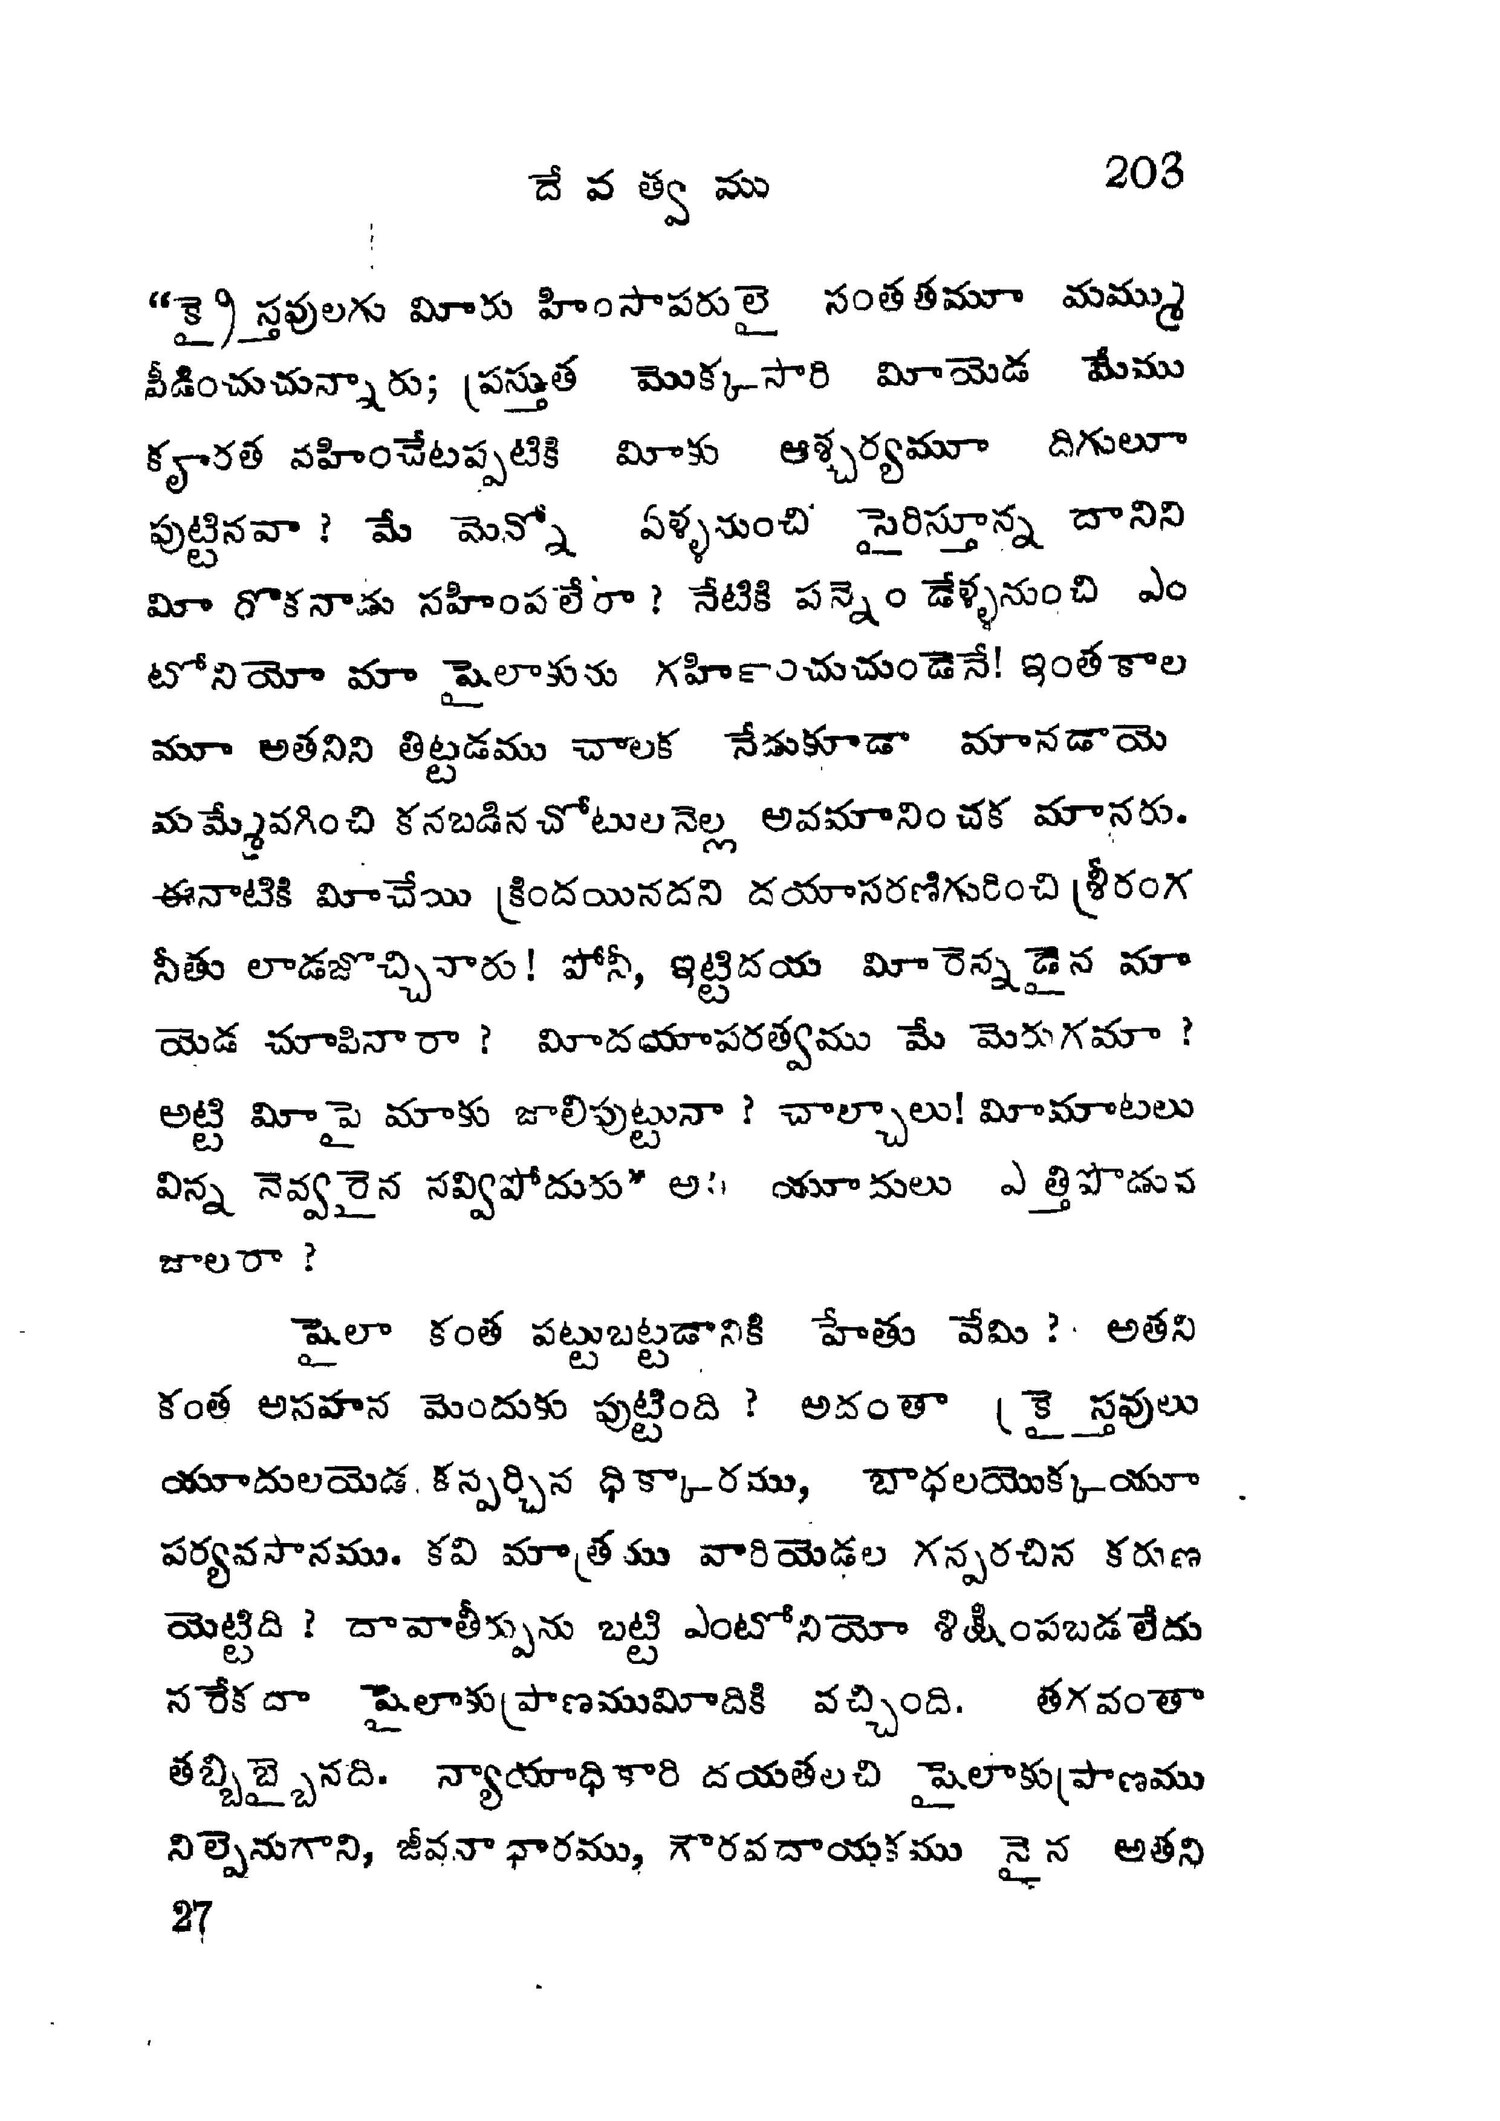"క్రైస్తవులగు మీరు హింసాపరులై సంతతమూ మమ్ము పీడించుచున్నారు; ప్రస్తుత మొక్కసారి మీయెడ మేము కౄరత వహించేటప్పటికి మీకు ఆశ్చర్యమూ దిగులూ పుట్టినవా ? మే మెన్నో ఏళ్ళనుంచి సైరిస్తూన్న దానిని మీ రొకనాడు సహింపలేరా ? నేటికి పన్నెం డేళ్ళనుంచి ఎంటోనియో మా షైలాకును గహిన్‌ంచుచుండెనే! ఇంతకాలమూ అతనిని తిట్టడము చాలక నేడుకూడా మానడాయె మమ్మేవగించి కనబడినచోటులనెల్ల అవమానించక మానరు. ఈనాటికి మీచేయి క్రిందయినదని దయాసరణిగురించి శ్రీరంగనీతు లాడజొచ్చినారు! పోనీ, ఇట్టిదయ మీరెన్నడైన మాయెడ చూపినారా? మీదయాపరత్వము మే మెరుగమా ? అట్టి మీపై మాకు జాలిపుట్టునా ? చాల్చాలు! మీమాటలు విన్న నెవ్వరైన నవ్విపోదురు" అని యూదులు ఎత్తిపొడువ జాలరా ?

షైలా కంత పట్టుబట్టడానికి హేతు వేమి ? అతని కంత అసహన మెందుకు పుట్టింది ? అదంతా క్రైస్తవులు యూదులయెడ కన్పర్చిన ధిక్కారము, బాధలయొక్కయూ పర్యవసానము. కవి మాత్రము వారియెడల గన్పరచిన కరుణ యెట్టిది ? దావాతీర్పును బట్టి ఎంటోనియో శిక్షింపబడలేదు సరేకదా షైలాకుప్రాణముమీదికి వచ్చింది. తగవంతా తబ్బిబైనది. న్యాయాధికారి దయతలచి షైలాకుప్రాణము నిల్పెనుగాని, జీవనాధారము, గౌరవదాయకము నైన అతని